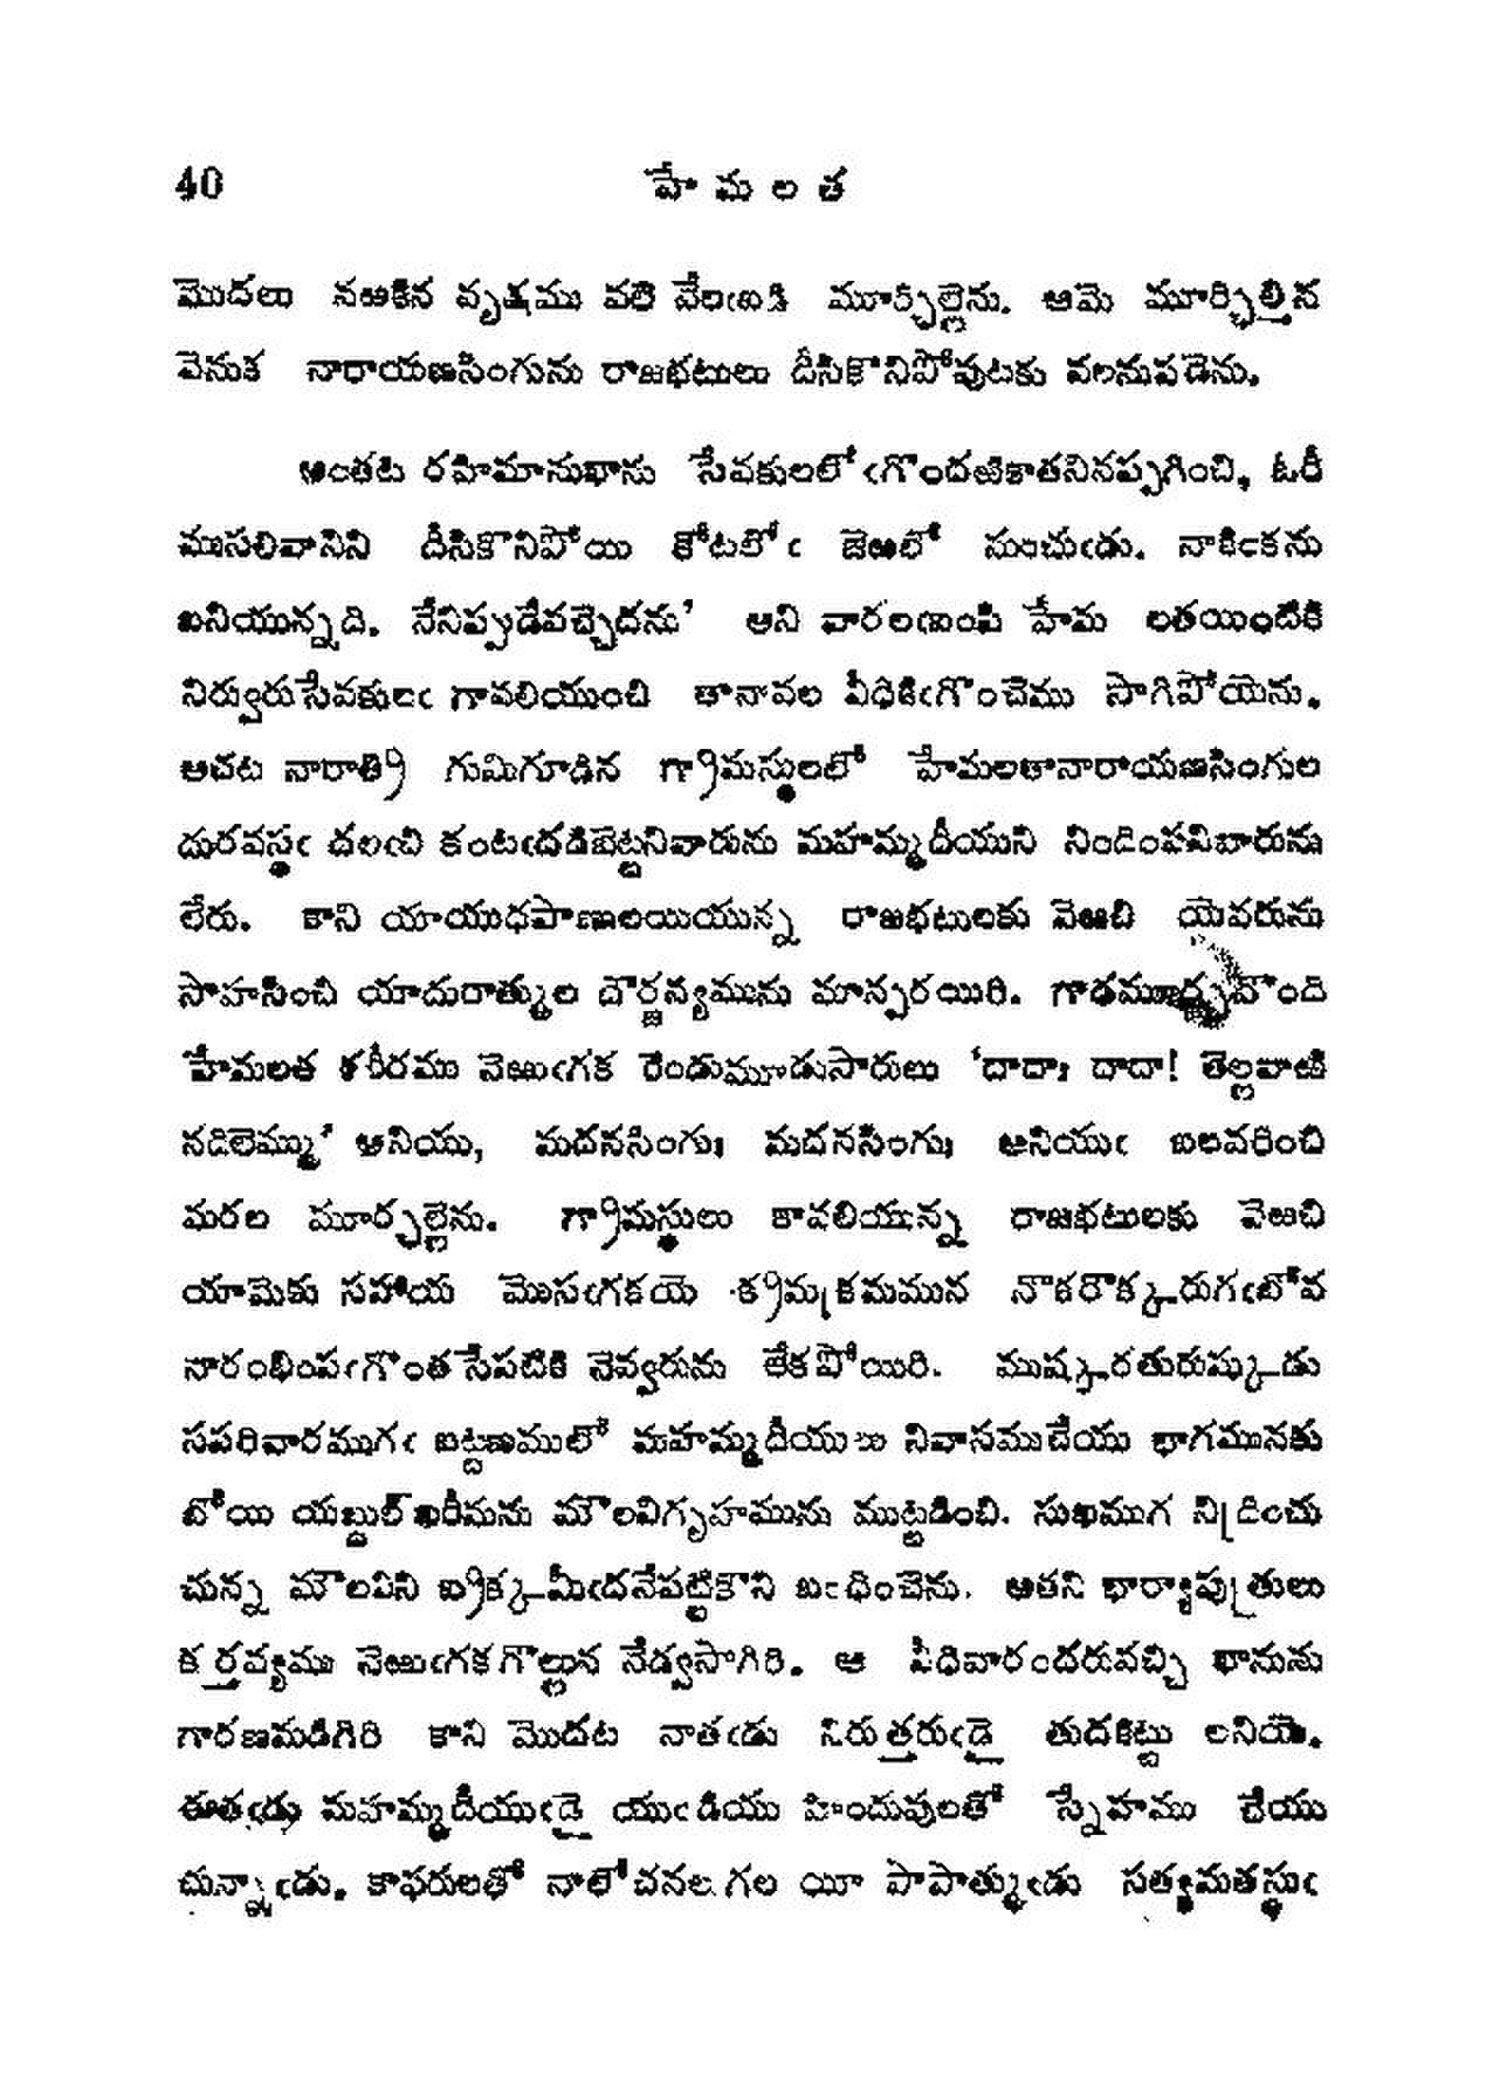మొదలు నఱకిన వృక్షము వలె నేలఁ మూర్ఛిల్లెను. ఆమె మూర్ఛిల్లిన వెనుక నారాయణసింగును రాజభటులు దీసికొనిపోవుటకు వలనుపడెను.

అంతట రహిమానుఖాను సేవకులలోఁగొందఱికాతనినప్పగించి, ఓరీ ముసలివానిని దీసికొనిపోయి కోటలోఁ జెఱలో నుంచుఁడు. నాకింకను బనియున్నది. నేనిప్పుడేవచ్చెదను అని వారలనంపి హేమలతయింటికి నిర్వురు సేవకుల గావలియుంచి తానావల వీధికిఁగొంచెము సాగిపోయెను. అచట నారాత్రి గుమిగూడిన గ్రామస్థులలో హేమలతానారాయణసింగుల దురవస్థఁ దలఁచి కంటఁదడిబెట్టనివారును మహమ్మదీయుని నిందింపనివారును లేరు. కాని యాయుధపాణులయియున్న రాజభటులకు వెఱచి యెవరును సాహసించి యాదురాత్ముల దౌర్జన్యమును మాన్పరయిరి. గారమూర్ఛపొంది హేమలత శరీరము నెఱుఁగక రెండుమూడుసారులు దాదా! దాదా! తెల్లవాఱినదిలెమ్ము అనియు, మదనసింగు, మదనసింగు అనియుఁ బలవరించి మరల మూర్ఛల్లెను. గ్రామస్థులు కావలియున్న రాజభటులకు వెఱచి యామెకు సహాయ మొసఁగకయె క్రమక్రమమున నొకరొక్కరుగఁబోవ నారంభింపఁ గొంత సేపటికి నెవ్వరును లేకపోయిరి. ముష్కర తురుష్కుడు సపరివారముగఁ బట్టణములో మహమ్మదీయుల నివాసముచేయు భాగమునకు బోయి యబ్దుల్ ఖరీమను మౌలవిగృహమును ముట్టడించి సుఖముగ నిద్రించుచున్న మౌలవిని బ్రక్కమీదనే పట్టికొని బంధించెను. అతని భార్యాపుత్రులు కర్తవ్యము నెఱుఁగక గొల్లున నేడ్వసాగిరి. ఆ వీధివారందరు వచ్చి ఖానును గారణమడిగిరి కాని మొదట నాతఁడు నిరుత్తరుఁడై తుదకిట్టు లనియె. ఈతడు మహమ్మదీయుఁడై యుండియు హిందువులతో స్నేహము చేయుచున్నాఁడు. కాఫరులతో నాలోచనల గల యీ పాపాత్ముఁడు సత్యమతస్థుఁ